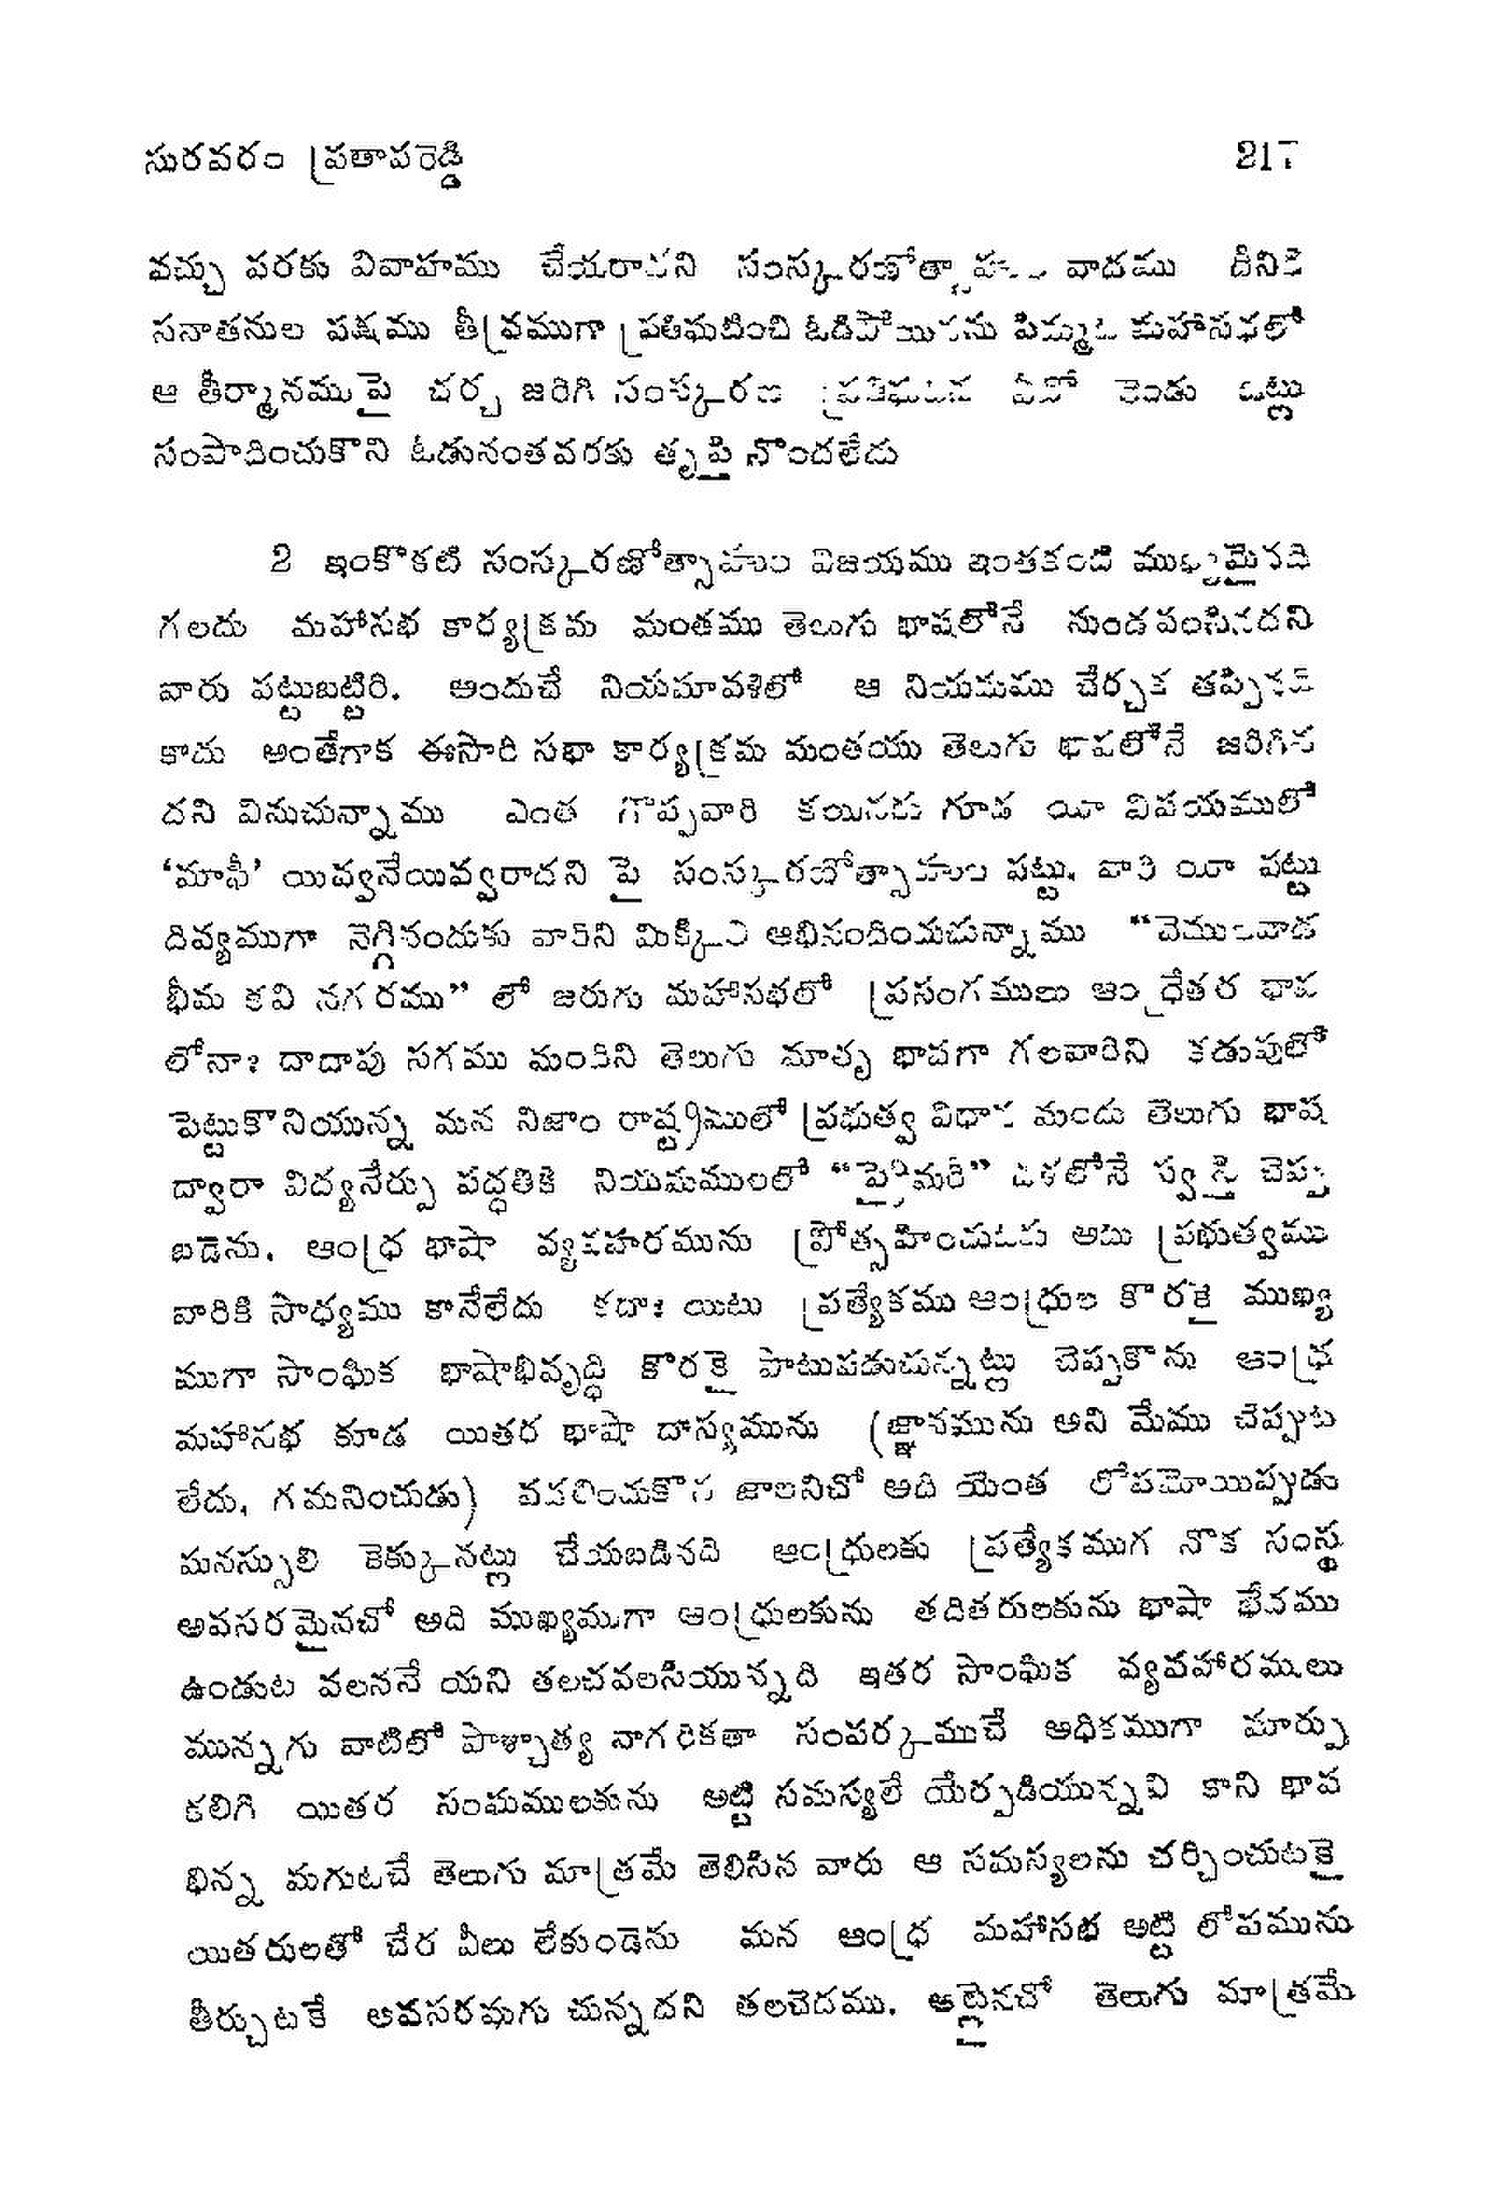వచ్చు వరకు వివాహము చేయరాదని సంస్కరణోత్సాహుల వాదము దీనికి సనాతనుల పక్షము తీవ్రముగా ప్రతిఘటించి ఓడిపోయినను పిమ్మట మహాసభలో ఆ తీర్మానముపై చర్చ జరిగి సంస్కరణ ప్రతిఘటన ఏవో రెండు ఓట్లు సంపాదించుకొని ఓడునంతవరకు తృప్తి నొందలేదు

2 ఇంకొకటి సంస్కరణోత్సాహుల విజయము ఇంతకంటె ముఖ్యమైనది గలదు మహాసభ కార్యక్రమ మంతము తెలుగు భాషలోనే నుండవలసినదని వారు పట్టుబట్టిరి. అందుచే నియమావళిలో ఆ నియమము చేర్చక తప్పినది కాదు అంతేగాక ఈసారి సభా కార్యక్రమ మంతయు తెలుగు భాషలోనే జరిగినదని వినుచున్నాము ఎంత గొప్పవారి కయినను గూడ యీ విషయములో 'మాఫీ' యివ్వనేయివ్వరాదని పై సంస్కరణోత్సాహుల పట్టు. వారి యీ పట్టు
దివ్యముగా నెగ్గినందుకు వారిని మిక్కిలి అభినందించుచున్నాము "వేములవాడ భీమ కవి నగరము" లో జరుగు మహాసభలో ప్రసంగములు ఆంధ్రేతర భాషలోనా? దాదాపు సగము మందిని తెలుగు మాతృ భాషగా గలవారిని కడుపులో పెట్టుకొనియున్న మన నిజాం రాష్ట్రములో ప్రభుత్వ విధాన మందు తెలుగు భాషద్వారా విద్యనేర్పు పద్ధతికి నియమములలో "ప్రైమరీ" దశలోనే స్వస్తి చెప్పబడెను. ఆంధ్ర భాషా వ్యవహరమును ప్రోత్సహించుటకు అటు ప్రభుత్వమువారికి సాధ్యము కానేలేదు కదా? యిటు ప్రత్యేకము ఆంధ్రుల కొరకై ముఖ్యముగా సాంఘిక భాషాభివృద్ధి కొరకై పాటుపడుచున్నట్లు చెప్పకొను ఆంధ్రమహాసభ కూడ యితర భాషా దాస్యమును (జ్ఞానమును అని మేము చెప్పుటలేదు. గమనించుడు) వదలించుకొన జాలనిచో అది యెంత లోపమోయిప్పుడు మనస్సులి కెక్కునట్లు చేయబడినది ఆంధ్రులకు ప్రత్యేకముగ నొక సంస్థ అవసరమైనచో అది ముఖ్యముగా ఆంధ్రులకును తదితరులకును భాషా భేదము ఉండుట వలననే యని తలచవలసియున్నది ఇతర సాంఘిక వ్యవహారములు మున్నగు వాటిలో పాశ్చాత్య నాగరికతా సంపర్కముచే అధికముగా మార్పు కలిగి యితర సంఘములకును అట్టి సమస్యలే యేర్పడియున్నవి కాని భావ భిన్న మగుటచే తెలుగు మాత్రమే తెలిసిన వారు ఆ సమస్యలను చర్చించుటకై
యితరులతో చేర వీలు లేకుండెను మన ఆంధ్ర మహాసభ అట్టి లోపమును తీర్చుటకే అవసరమగు చున్నదని తలచెదము. అట్లైనచో తెలుగు మాత్రమే